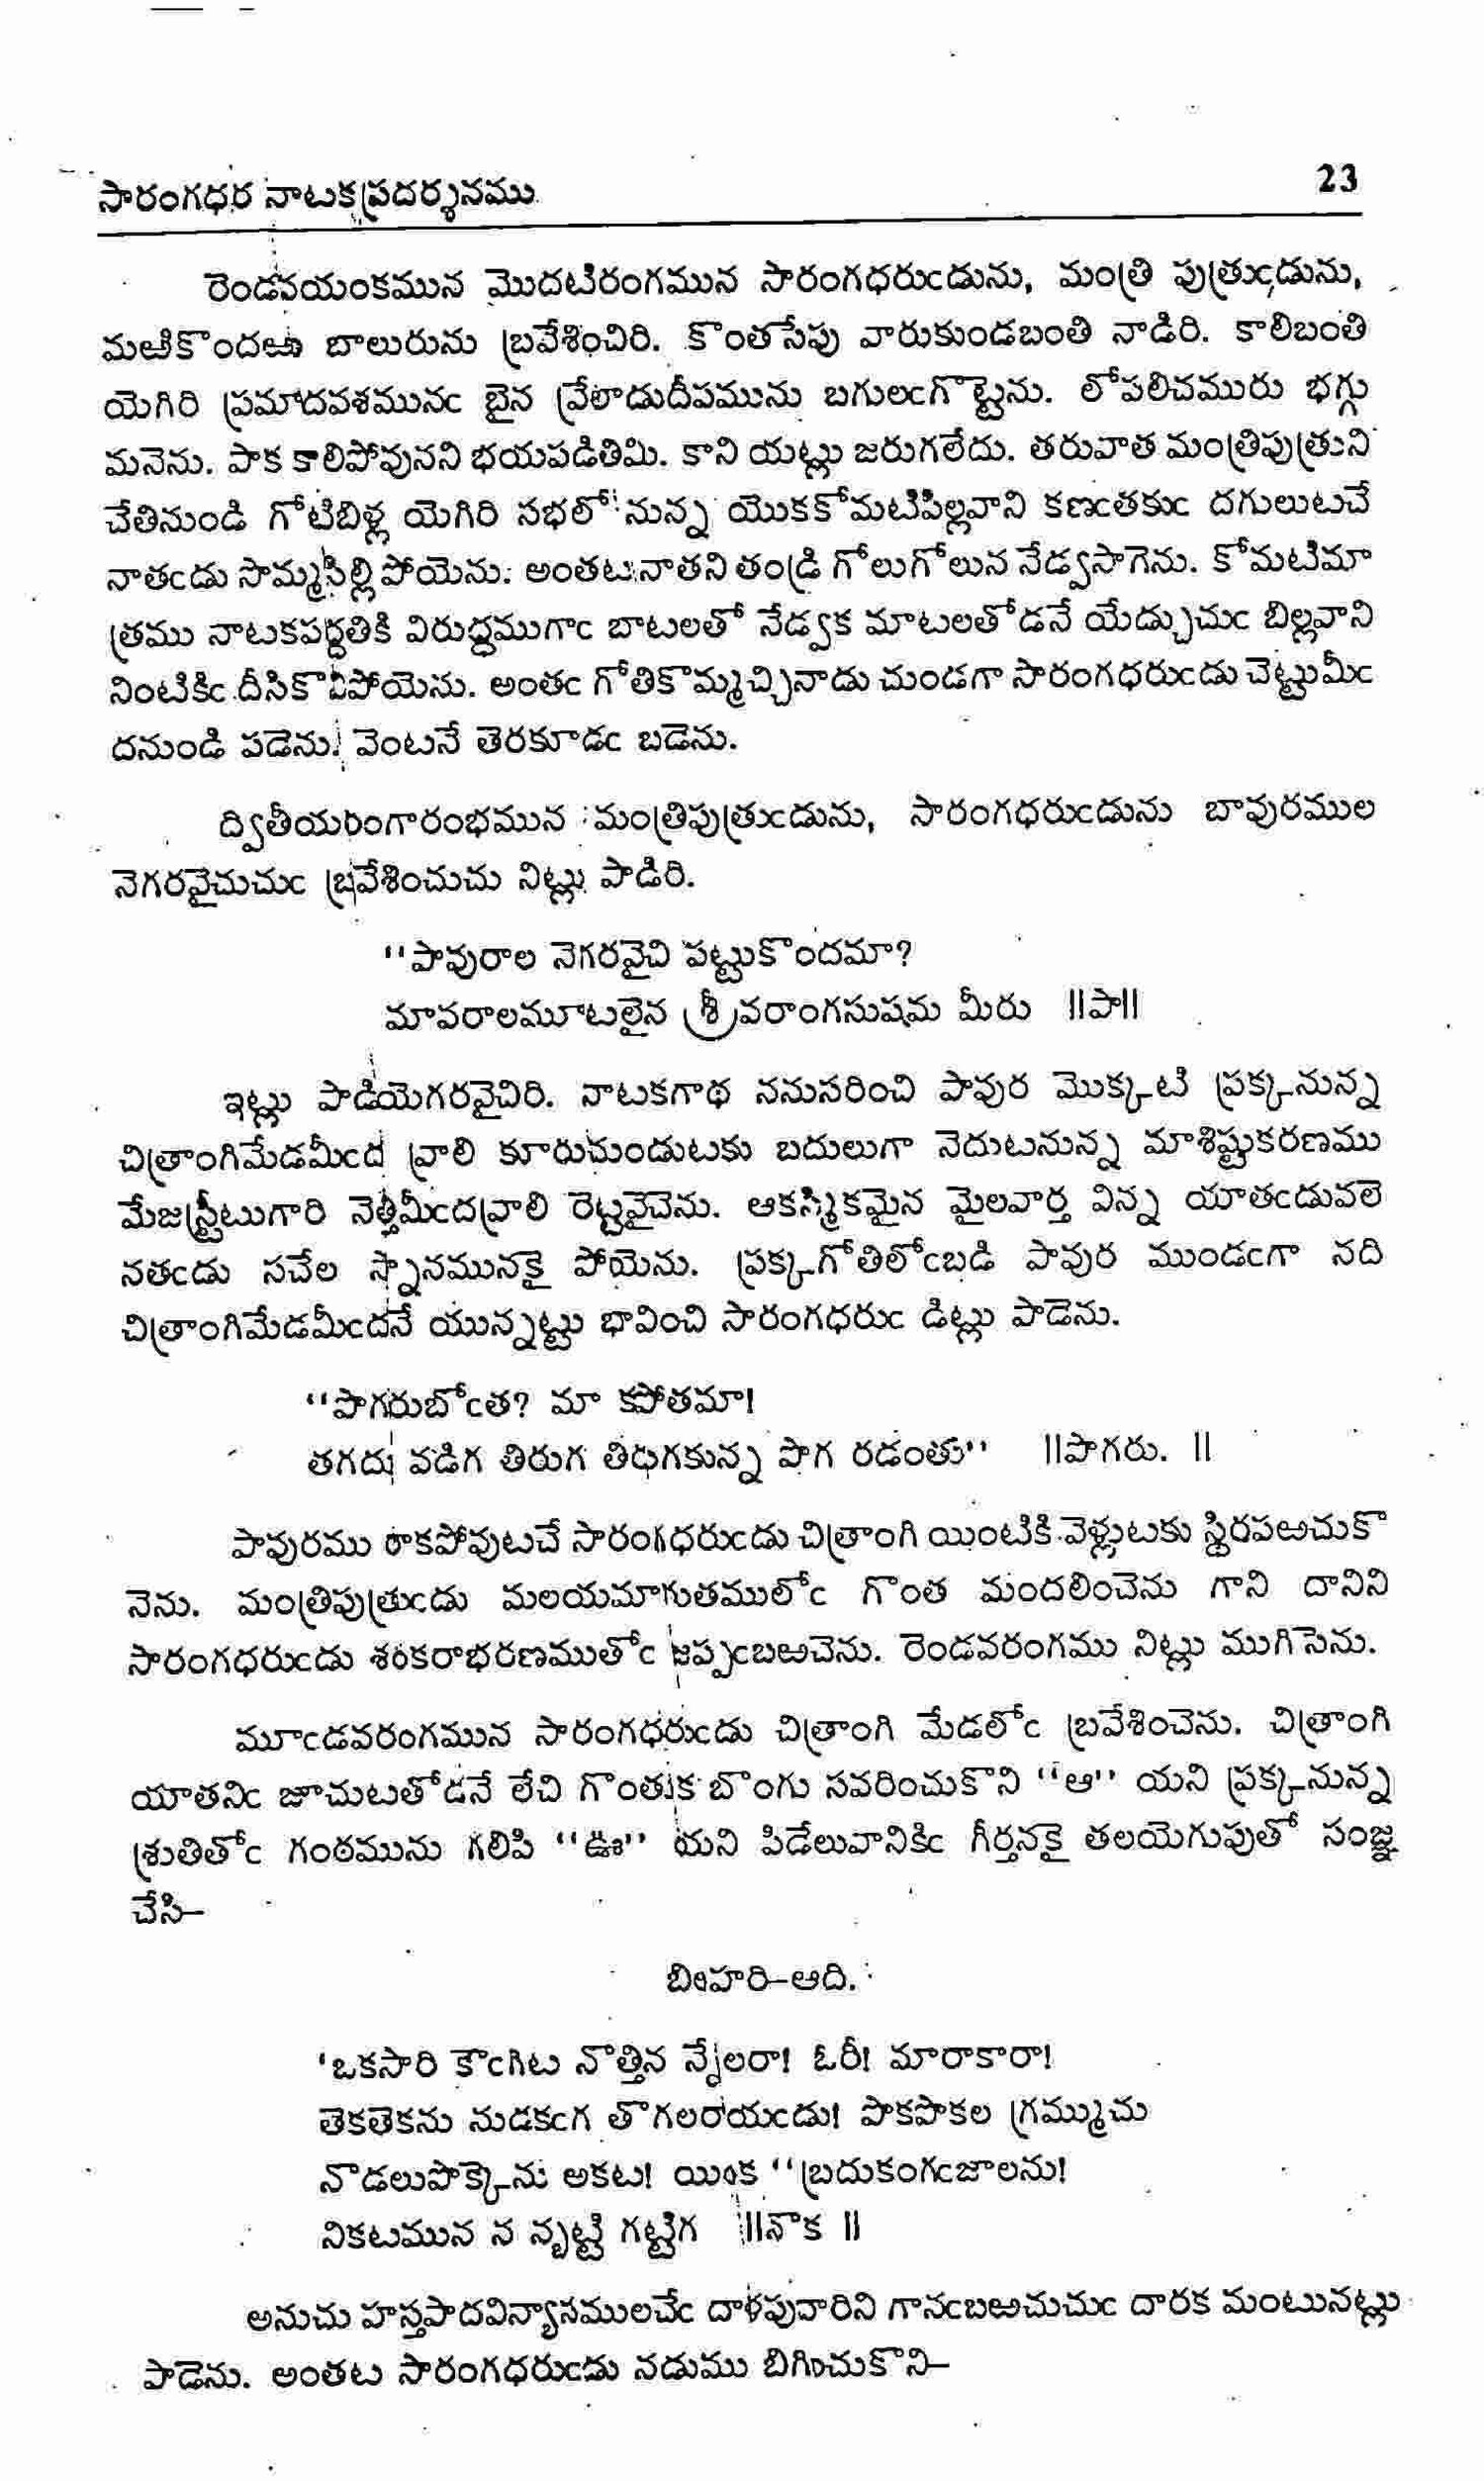రెండవయంకమున మొదటిరంగమున సారంగధరుఁడును, మంత్రి పుత్రుఁడును, మఱికొందఱు బాలురును బ్రవేశించిరి. కొంత సేపు వారుకుండబంతి నాడిరి. కాలిబంతి యెగిరి ప్రమాదవశమునఁ బైన వ్రేలాడుదీపమును బగులఁగొట్టెను. లోపలిచమురు భగ్గుమనెను. పాక కాలిపోవునని భయపడితిమి. కాని యట్లు జరుగలేదు. తరువాత మంత్రిపుత్రుని చేతినుండి గోటి బిళ్ల యెగిరి సభలో నున్న యొకకోమటి పిల్లవాని కణఁతకుఁ దగులుటచే నాతఁడు సొమ్మసిల్లి పోయెను. అంతటనాతని తండ్రి గోలుగోలున నేడ్వసాగెను. కోమటిమాత్రము నాటకపద్ధతికి విరుద్ధముగాఁ బాటలతో నేడ్వక మాటలతోడనే యేడ్చుచుఁ బిల్లవాని నింటికిఁ దీసికొవీపోయెను. అంతఁ గోతికొమ్మచ్చినాడు చుండగా సారంగధరుఁడు చెట్టుమీఁ
దనుండి పడెను. వెంటనే తెరకూడఁ బడెను.

ద్వితీయరంగారంభమున మంత్రిపుత్రుఁడును, సారంగధరుఁడును బావురముల నెగరవైచుచుఁ బ్రవేశించుచు నిట్లు పాడిరి.

ఇట్లు పాడియెగరవైచిరి. నాటకగాథ ననుసరించి పావుర మొక్కటి ప్రక్కనున్న చిత్రాంగిమేడమీఁద వ్రాలి కూరుచుండుటకు బదులుగా నెదుటనున్న మాశిష్టుకరణము మేజస్ట్రీటుగారి నెత్తిమీఁదవ్రాలి రెట్టవైచెను. ఆకస్మికమైన మైలవార్త విన్న యాతఁడువలె నతఁడు సల స్నానమునకై పోయెను. ప్రక్కగోతిలోఁబడి పావుర ముండఁగా నది చిత్రాంగిమేడమీఁదనే యున్నట్టు భావించి సారంగధరుఁ డిట్లు పాడెను.

పావురము రాకపోవుటచే సారంగధరుఁడు చిత్రాంగి యింటికి వెళ్లుటకు స్థిరపఱచుకొనెను. మంత్రిపుత్రుఁడు మలయమారుతములోఁ గొంత మందలించెను గాని దానిని సారంగధరుఁడు శరకరాభరణముతోఁ జప్పఁబఱచెను. రెండవరంగము నిట్లు ముగిసెను.

మూఁడవరంగమున సారంగధరుఁడు చిత్రాంగి మేడలోఁ బ్రవేశించెను. చిత్రాంగి యాతనిఁ జూచుటతోడనే లేచి గొంతుక బొంగు సవరించుకొని ❝ఆ❞ యని ప్రక్కనున్న శ్రుతితోఁ గంఠమును గలిపి ❝ఊ❞ యని పిడేలువానికిఁ గీర్తనకై తలయెగుపుతో సంజ్ఞ చేసి-

 

అనుచు హస్తపాదవిన్యాసములచేఁ దారపువారిని గానఁబఱ చుచుఁ దారక మంటునట్లు పాడెను. అంతట సారంగధరుఁడు నడుము బిగించుకొని-